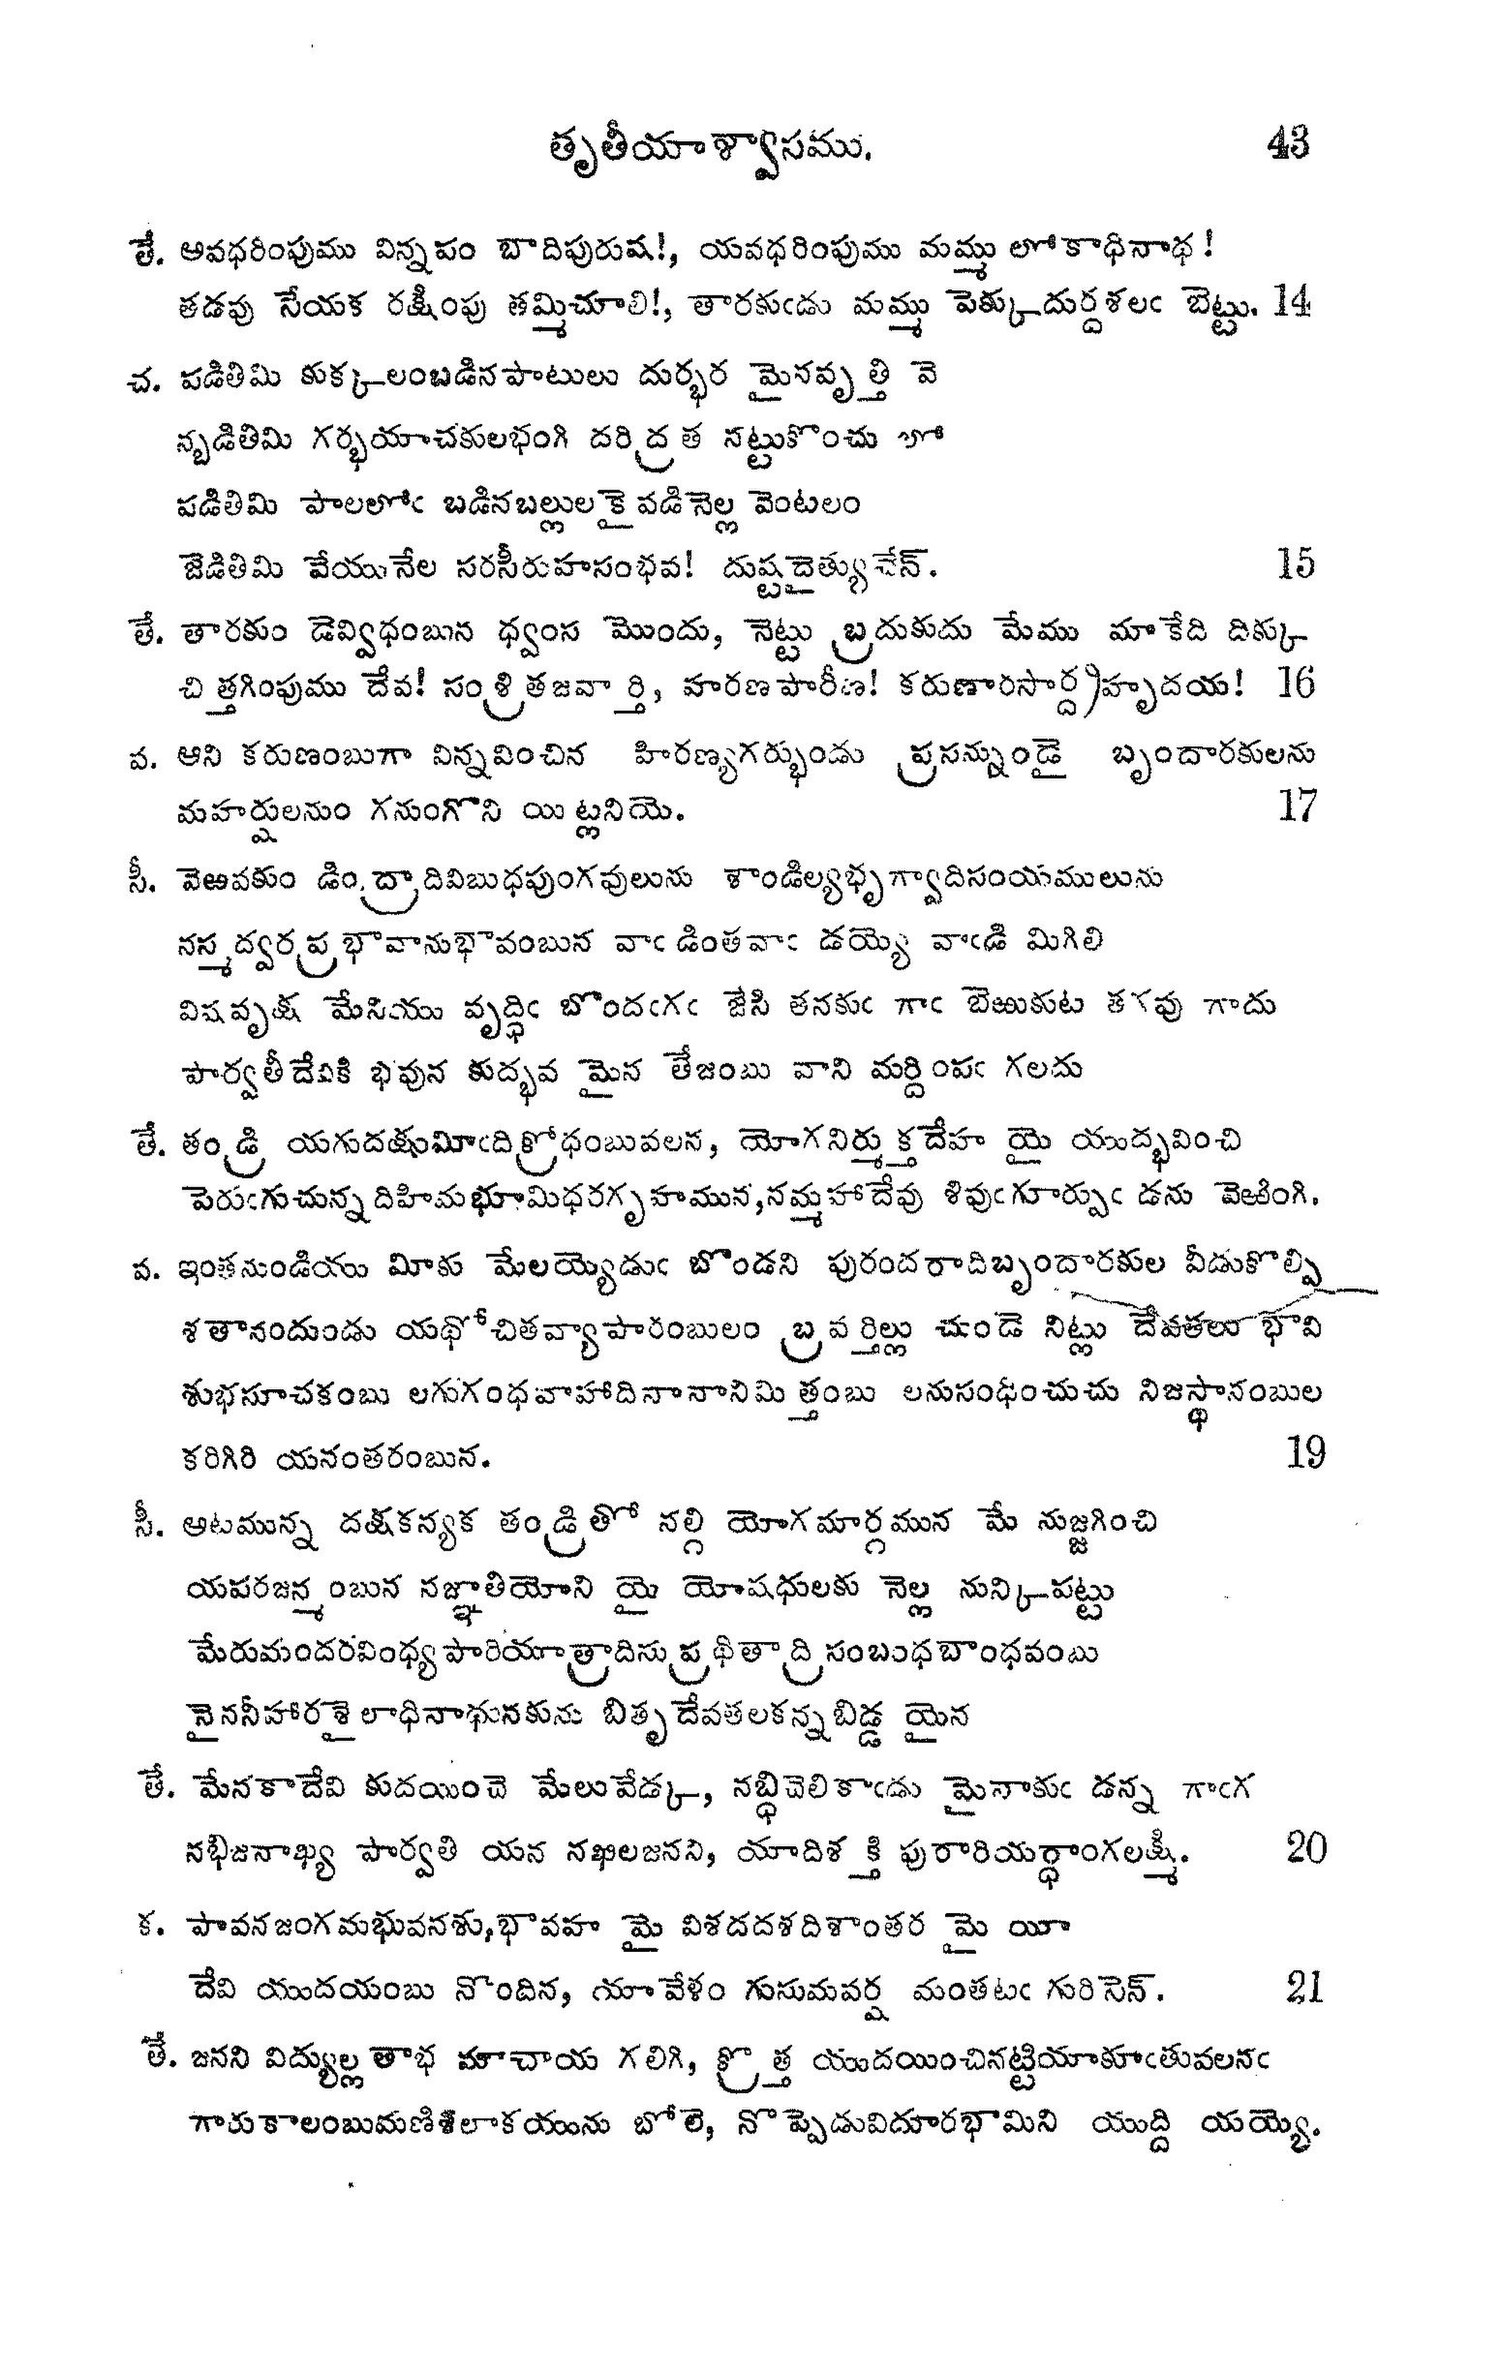తే. అవధరింపుము విన్నపం బాదిపురుష!, యవధరింపుము మము లోకాధినాథ!
తడవు సేయక రక్షింపు తమ్మిచూలి!, తారకుఁడు మము పెక్కు దుర్దశలఁ బెట్టు. 14

చ. పడితిమి కుక్కలంబడిన పాటులు దుర్భర మైనవృత్తి వె
న్బడితిమి గర్భయాచకులభంగి దరిద్రత నట్టుకొంచు లో
పడితిమి పాలలోఁ బడిన బల్లుల కైవడి నెల్లవెంటలం
జెడితిమి వేయు నేల సరసీరుహసంభవ! దుష్టదైత్యుచేన్. 15

తే. తారకుం డెవ్విధంబున ధ్వంస మొందు, నెట్టు బ్రదుకుదు మేము మా కేది దిక్కు
చిత్తగింపుము దేవ! సంశ్రితజవార్తి, హరణపారీణ! కరుణారసార్ద్రహృదయ! 16

వ. అని కరుణంబుగా విన్నవించిన హిరణ్యగర్భుండు ప్రసన్నుండై బృందారకులను మహర్షులనుం గనుంగొని యి ట్లనియె. 17

సీ. వెఱవకుం డింద్రాదివిబుధపుంగవులును శాండిల్యభృగ్వాదిసంయములును
నస్మద్వరప్రభావానుభావంబున వాఁ డింతవాఁ డయ్యె వాఁడి మిగిలి
విషవృక్ష మేసియు వృద్ధిఁ బొందఁగఁ జేసి తనకుఁ గాఁ బెఱుకుట తగవు గాదు
పార్వతీదేవికి భవున కుద్భవ మైన తేజంబు వాని మర్దింపఁగలదు
తే. తండ్రి యగుదక్షుమీఁది క్రోధంబువలన, యోగనిరుక్తదేహ యై యుద్భవించి
పెరుఁగుచున్నది హిమభూమిధరగృహమున, నమ్మహాదేవు శివుఁ గూర్పుఁ డను వెఱింగి. 18

వ. ఇంతనుండియు మీకు మేలయ్యెడుఁ బొండని పురందరాది బృందారకుల వీడుకొల్పి శతానందుండు యథోచితవ్యాపారంబులం బ్రవర్తిల్లుచుండె నిట్లు దేవతలు భావిశుభసూచకంబు లగుగంధవాహాదినానానిమిత్తంబు లనుసంథించుచు నిజస్థానంబుల కరిగిరి యనంతరంబున. 19

సీ. అటమున్న దక్షకన్యక తండ్రితో నల్గి యోగమార్గమున మే నుజ్జగించి
యపరజన్మంబున నజ్ఞాతియోని యై యోషధులకు నెల్ల నున్కిపట్టు
మేరుమందరవింధ్యపారియాత్రాదిసుప్రథితాద్రిసంబంధబాంధవంబు
నైననీహారశైలాధినాథునకును బితృదేవతలకన్నబిడ్డ యైన
తే. మేనకాదేవి కుదయించె మేలు వేడ్క, నబ్ధిచెలికాఁడు మైనాకుఁ డన్న గాఁగ
నభిజనాఖ్య పార్వతి యన నఖలజనని, యాదిశక్తి పురారియర్థాంగలక్ష్మి. 20

క. పావనజంగమభువనశు, భావహ మై విశదదశదిశాంతర మై యీ
దేవి యుదయంబు నొందిన, యావేళం గుసుమవర్ష మంతటఁ గురిసెన్. 21

తే. జనని విద్యుల్లతాభ మౌచాయ గలిగి, కొత్త యుదయించినట్టియాకూఁతువలనఁ
గారుకాలంబుమణిశలాకయును బోలె, నొప్పెడువిదూరభామిని యుద్ది యయ్యె.